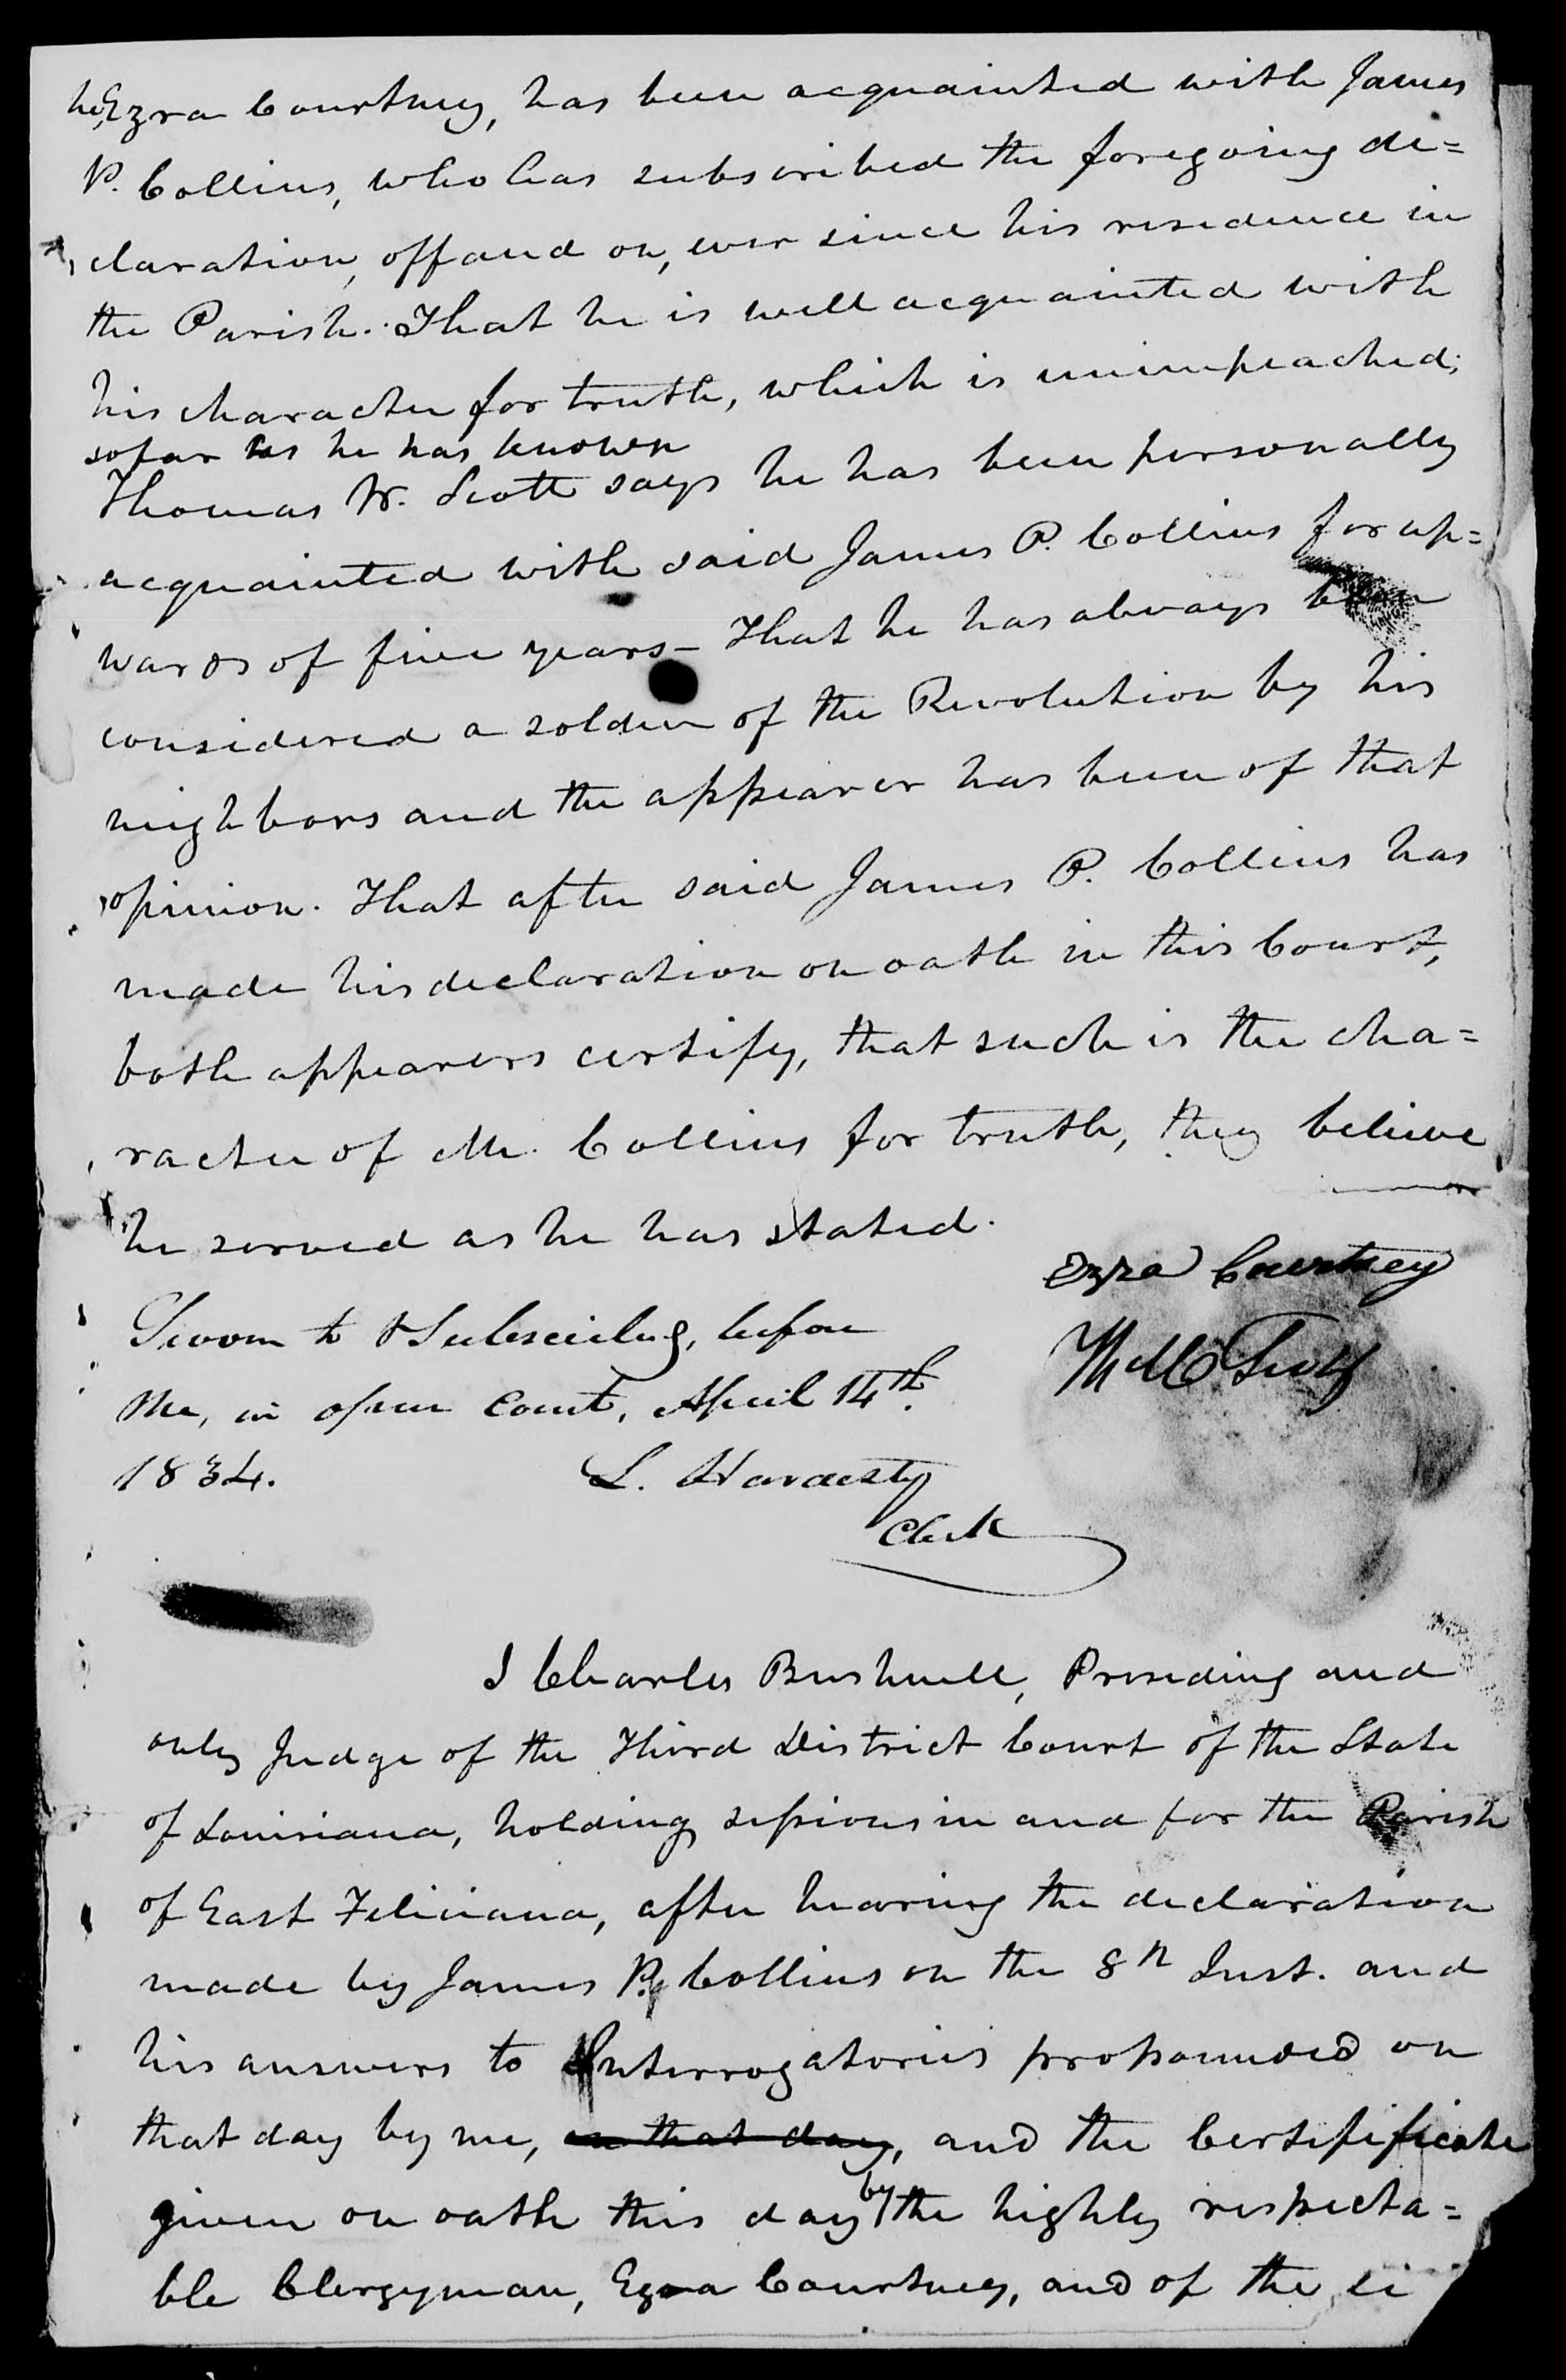Ezra Courtney, has been acquainted with James P. Collins who has subscribed the foregoing declaration off and on, ever since his residence in the Parish. That he is well acquainted with his character for truth, which is unimpeached; so far as he has known. Thomas W. Scott says he has been personally acquainted with said James P. Collins upwards of five years - that he has always
been considered a soldier of the Revolution by his neighbors and the appearer has been of that
opinion. That after said James P. Collins has made his declaration on oath in this Court both appearers certify, that such is the character of Mr. Collins for truth, they believe he served as he has stated
[signed] Ezra Courtney
Tho M Levis

Sworn to & Subscribed before me in open Court, April 14th 1834
L Hardesty
Clerk

I Charles Bushnell Presiding and only Judge of the Third District Court of the State of Louisiana, holding sessions in and for the Parish of East Feliciana, after hearing the declaration made by James P Collins on the 8th Inst. and his answers to interrogatories propounded on that day by me, that day, and the certificate given on oath this day by the highly respectable Clergyman, Ezra Courtney, and of the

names: James P Collins, Ezra Courtney, L Hardesty, Collins, James P Collins, James P Collins, Ezra Courtney, James P Collins, Charles Bushnell, Thomas W Scott, Tho M Levis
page: 8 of 48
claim: rejected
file: R. 2173, James P Collins, S. C.